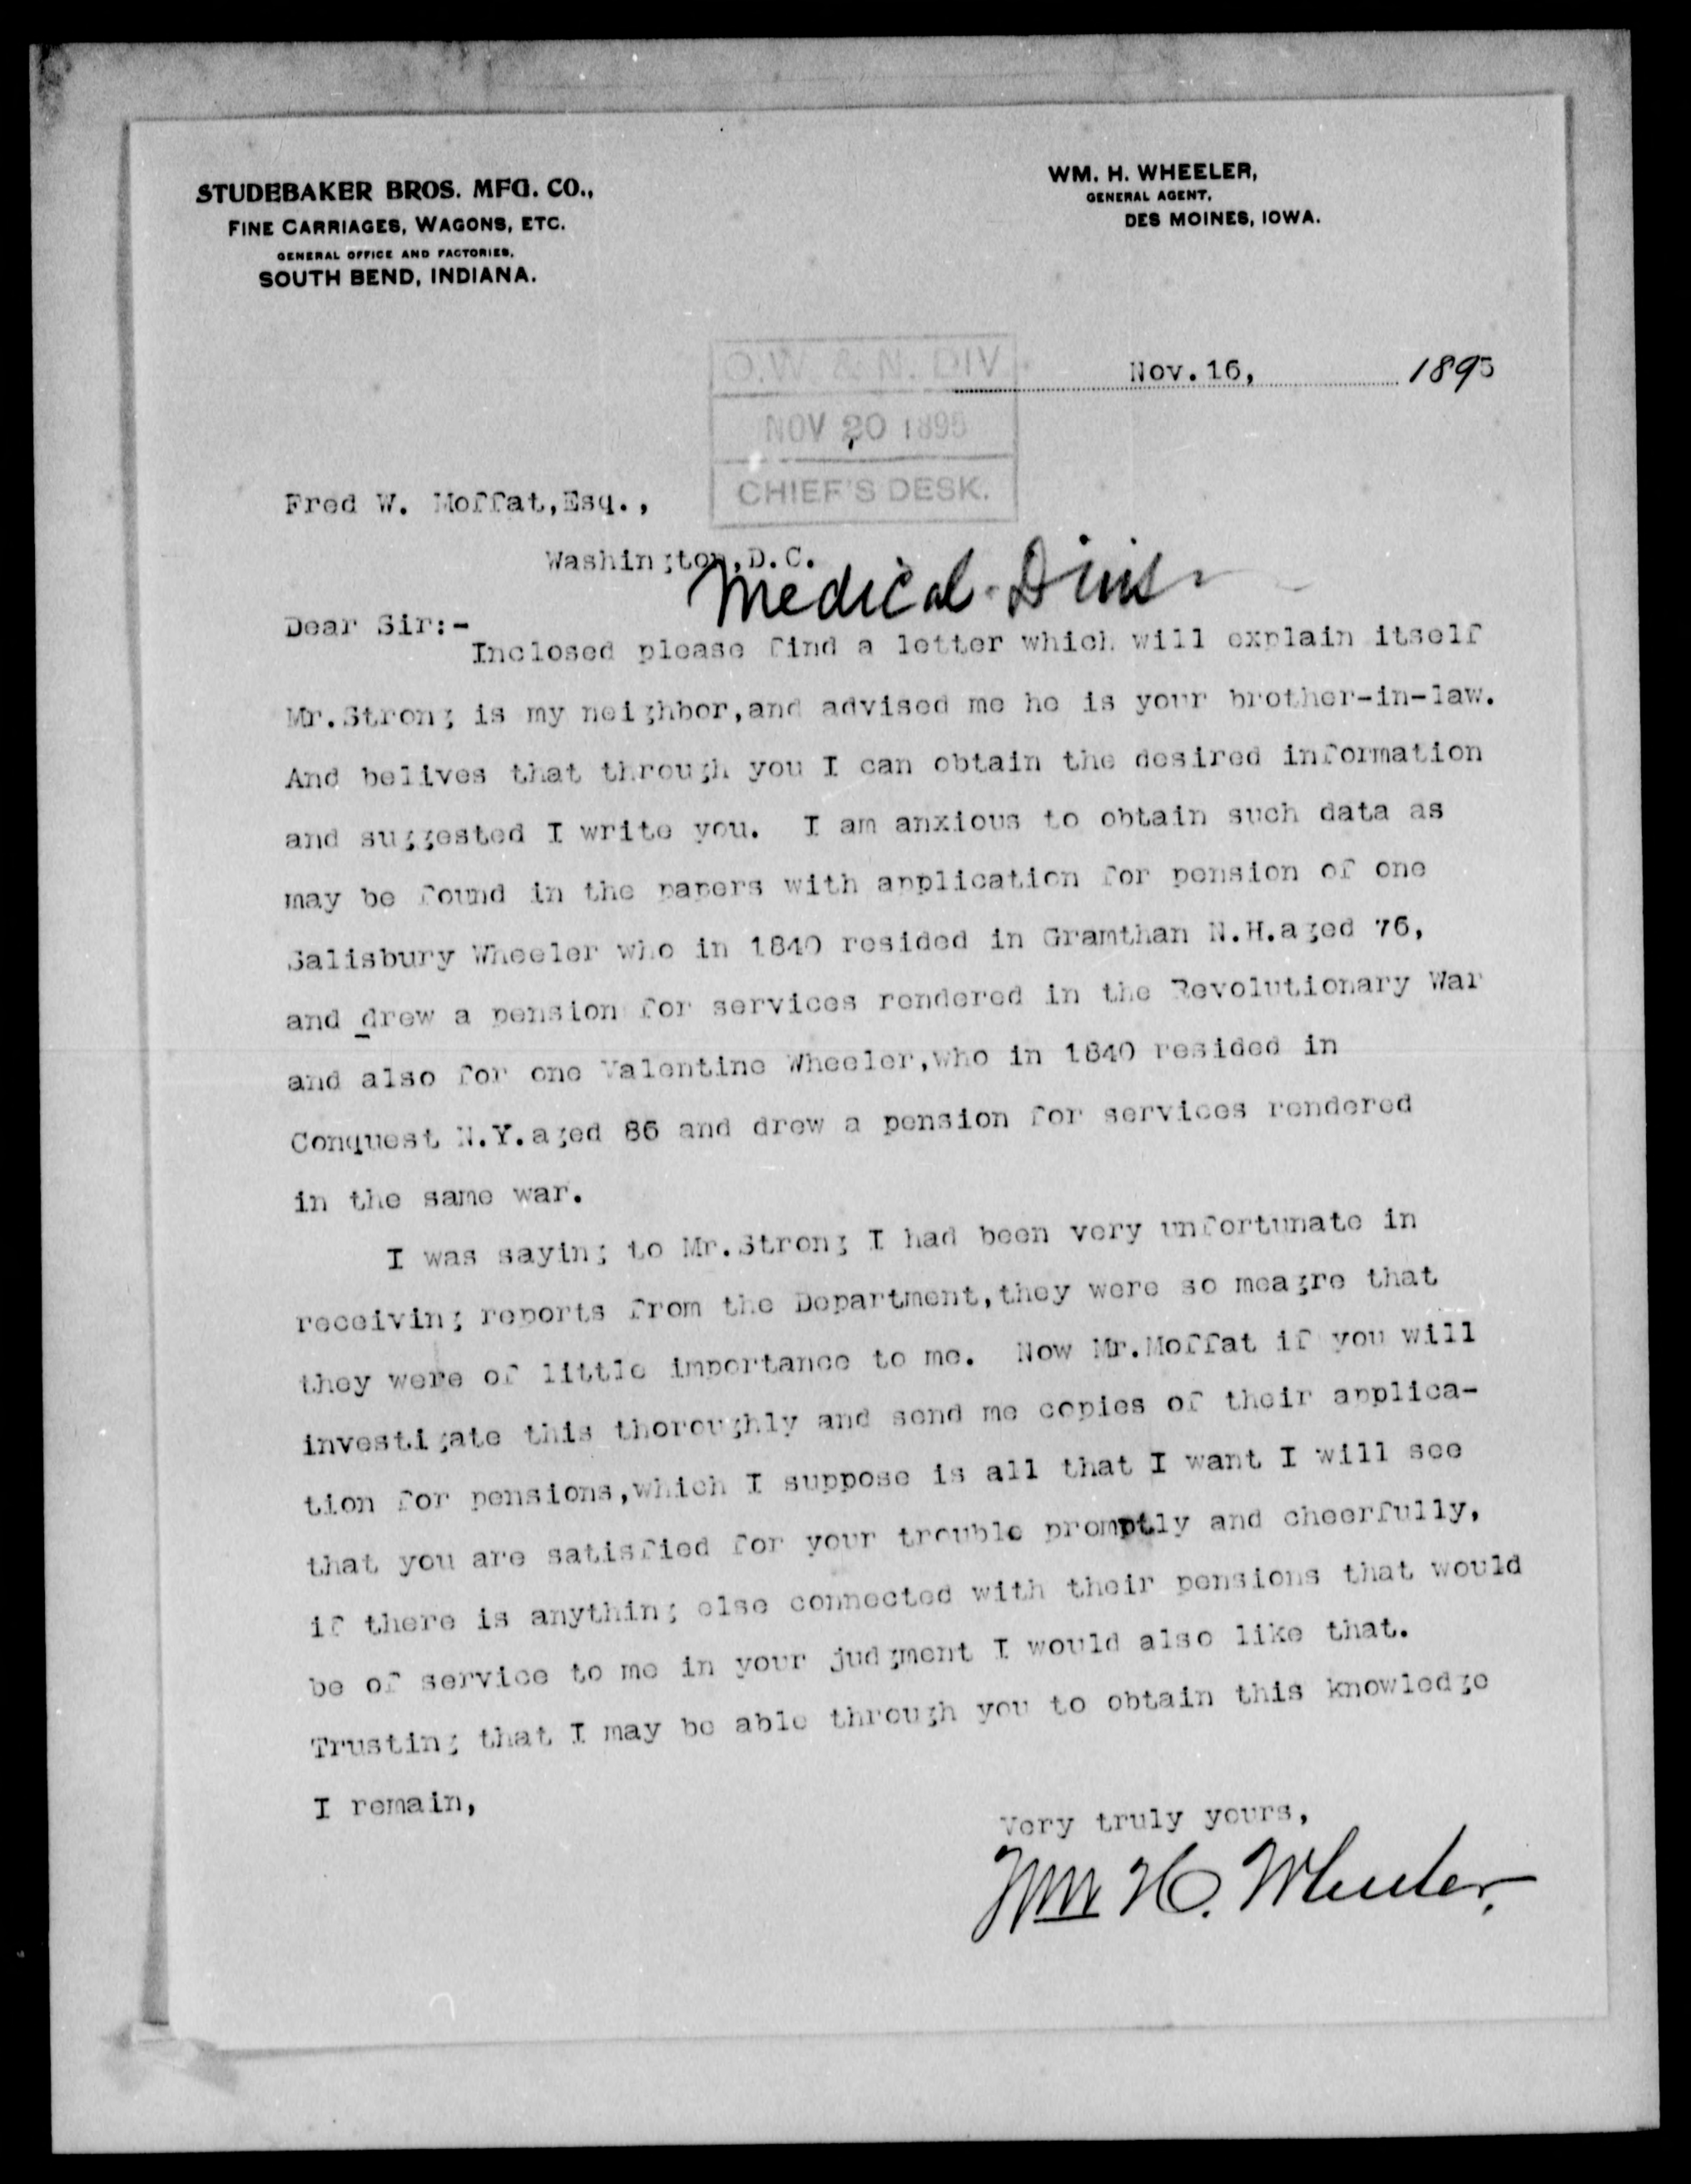[stamped-O. W. & N. Div.
 Nov. 20,1895 Chief's Desk]

Nov. 16, 1895

Fred W. Moffat, Esq.
Washington D. C. 
[hand written-Medical D ins]
Dear Sir:
Enclosed please find a letter which will explain itself. Mr. Strong is my neighbor and advised  me he is your brother-in-law. And believes that through you I can obtain the desired information and suggested I write you. I am anxious to obtain such data as may be found in the papers with application for pension on one Galisbury Wheeler who in 1840 resided in Gramthan N. H. aged 76, and drew a pension for services rendered in the Revolutionary War and also for one Valentine Wheeler, who in 1840 resided in Conquest, N. Y. aged 86 and drew a pension for the services rendered in the same war.
I was saying to Mr. Strong I had been very unfortunate in receiving reports from the Department, they were so meager that they were of little importance to me. Now Mr. Moffat if you will investigate this thoroughly and send me copies of their application for pensions, which I suppose is all that I want I will see that you are satisfied for your trouble promptly and cheerfully. If there is anything else connected with their pensions that would be of service to me in your judgement I would also like that. Trusting that I may be able through you to obtain this knowledge I remain,
Very truly yours,
Wm. H. Wheeler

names: Wm H Wheeler, Strong, Valentine Wheeler, Salisbury Wheeler, Fred W Moffat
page: 49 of 98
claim: widow's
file: W. 1682, Valentine Wheeler, Mass.